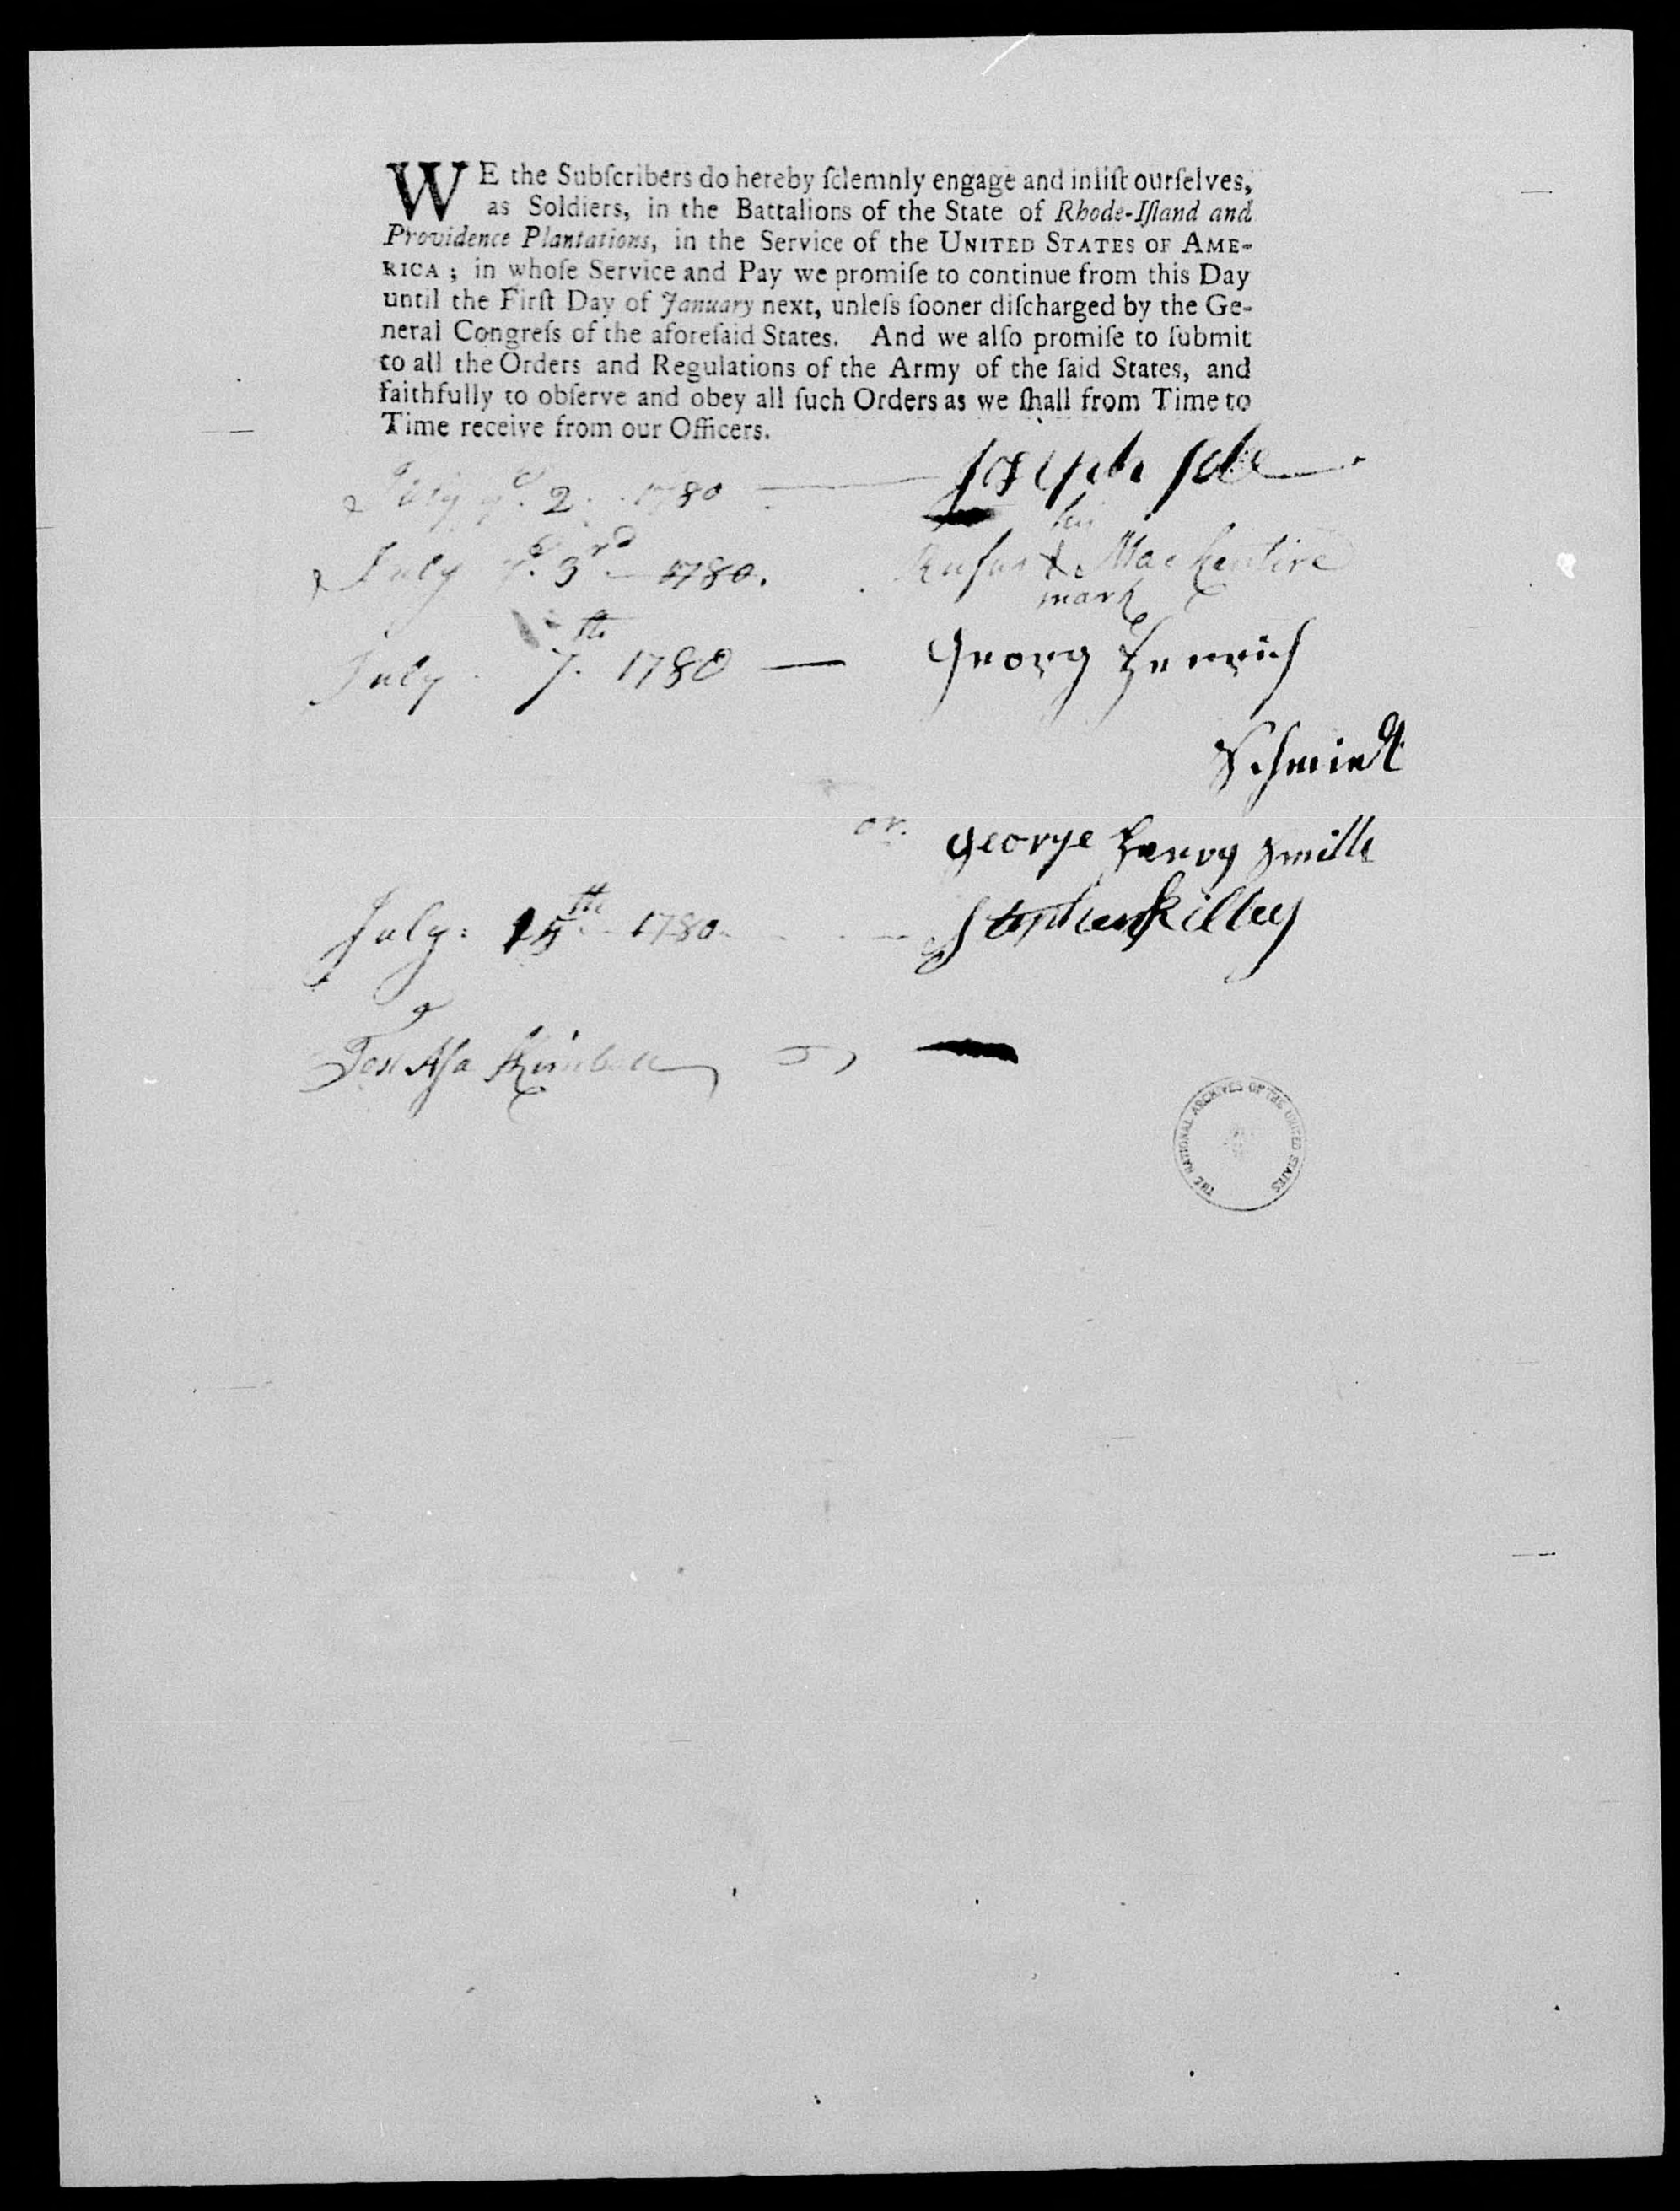We the Subscribers do hereby solemnly engage and in list ourselves,
as Soldiers, in the Battalions of the State of Rhode-Island and
Providence Plantations, in the service of the UNITED STATES OF 
AMERICA; in whose service and pay we promise to continue from this Day
until the First Day of January next, unless sooner discharged by the General
Congress of the aforesaid States. And we also promise to submit
to all the orders and Regulations of the Army of the said States, and
faithfully to observe and obey all such Orders as we shall from time to
Time receive from our Officers.
July 2. 1780 Joseph Jake
July 3rd 1780 Rufus Mackentire
July 7th 1780- Gregory Cummins
[illegible]
George Henry Smith
July 15th 1780 Stephen Kilbey
Gen. Asa Kimball
[stamp] THE NATIONAL ARCHIVES OF THE UNITED STATES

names: Joseph Jole, Young Janning, Rufus Mackentire, George Henry Smith, Jen Asa Kimball, Stephen Kilby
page: 22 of 76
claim: widow's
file: W. 15,517, William Gadcomb, R.I.